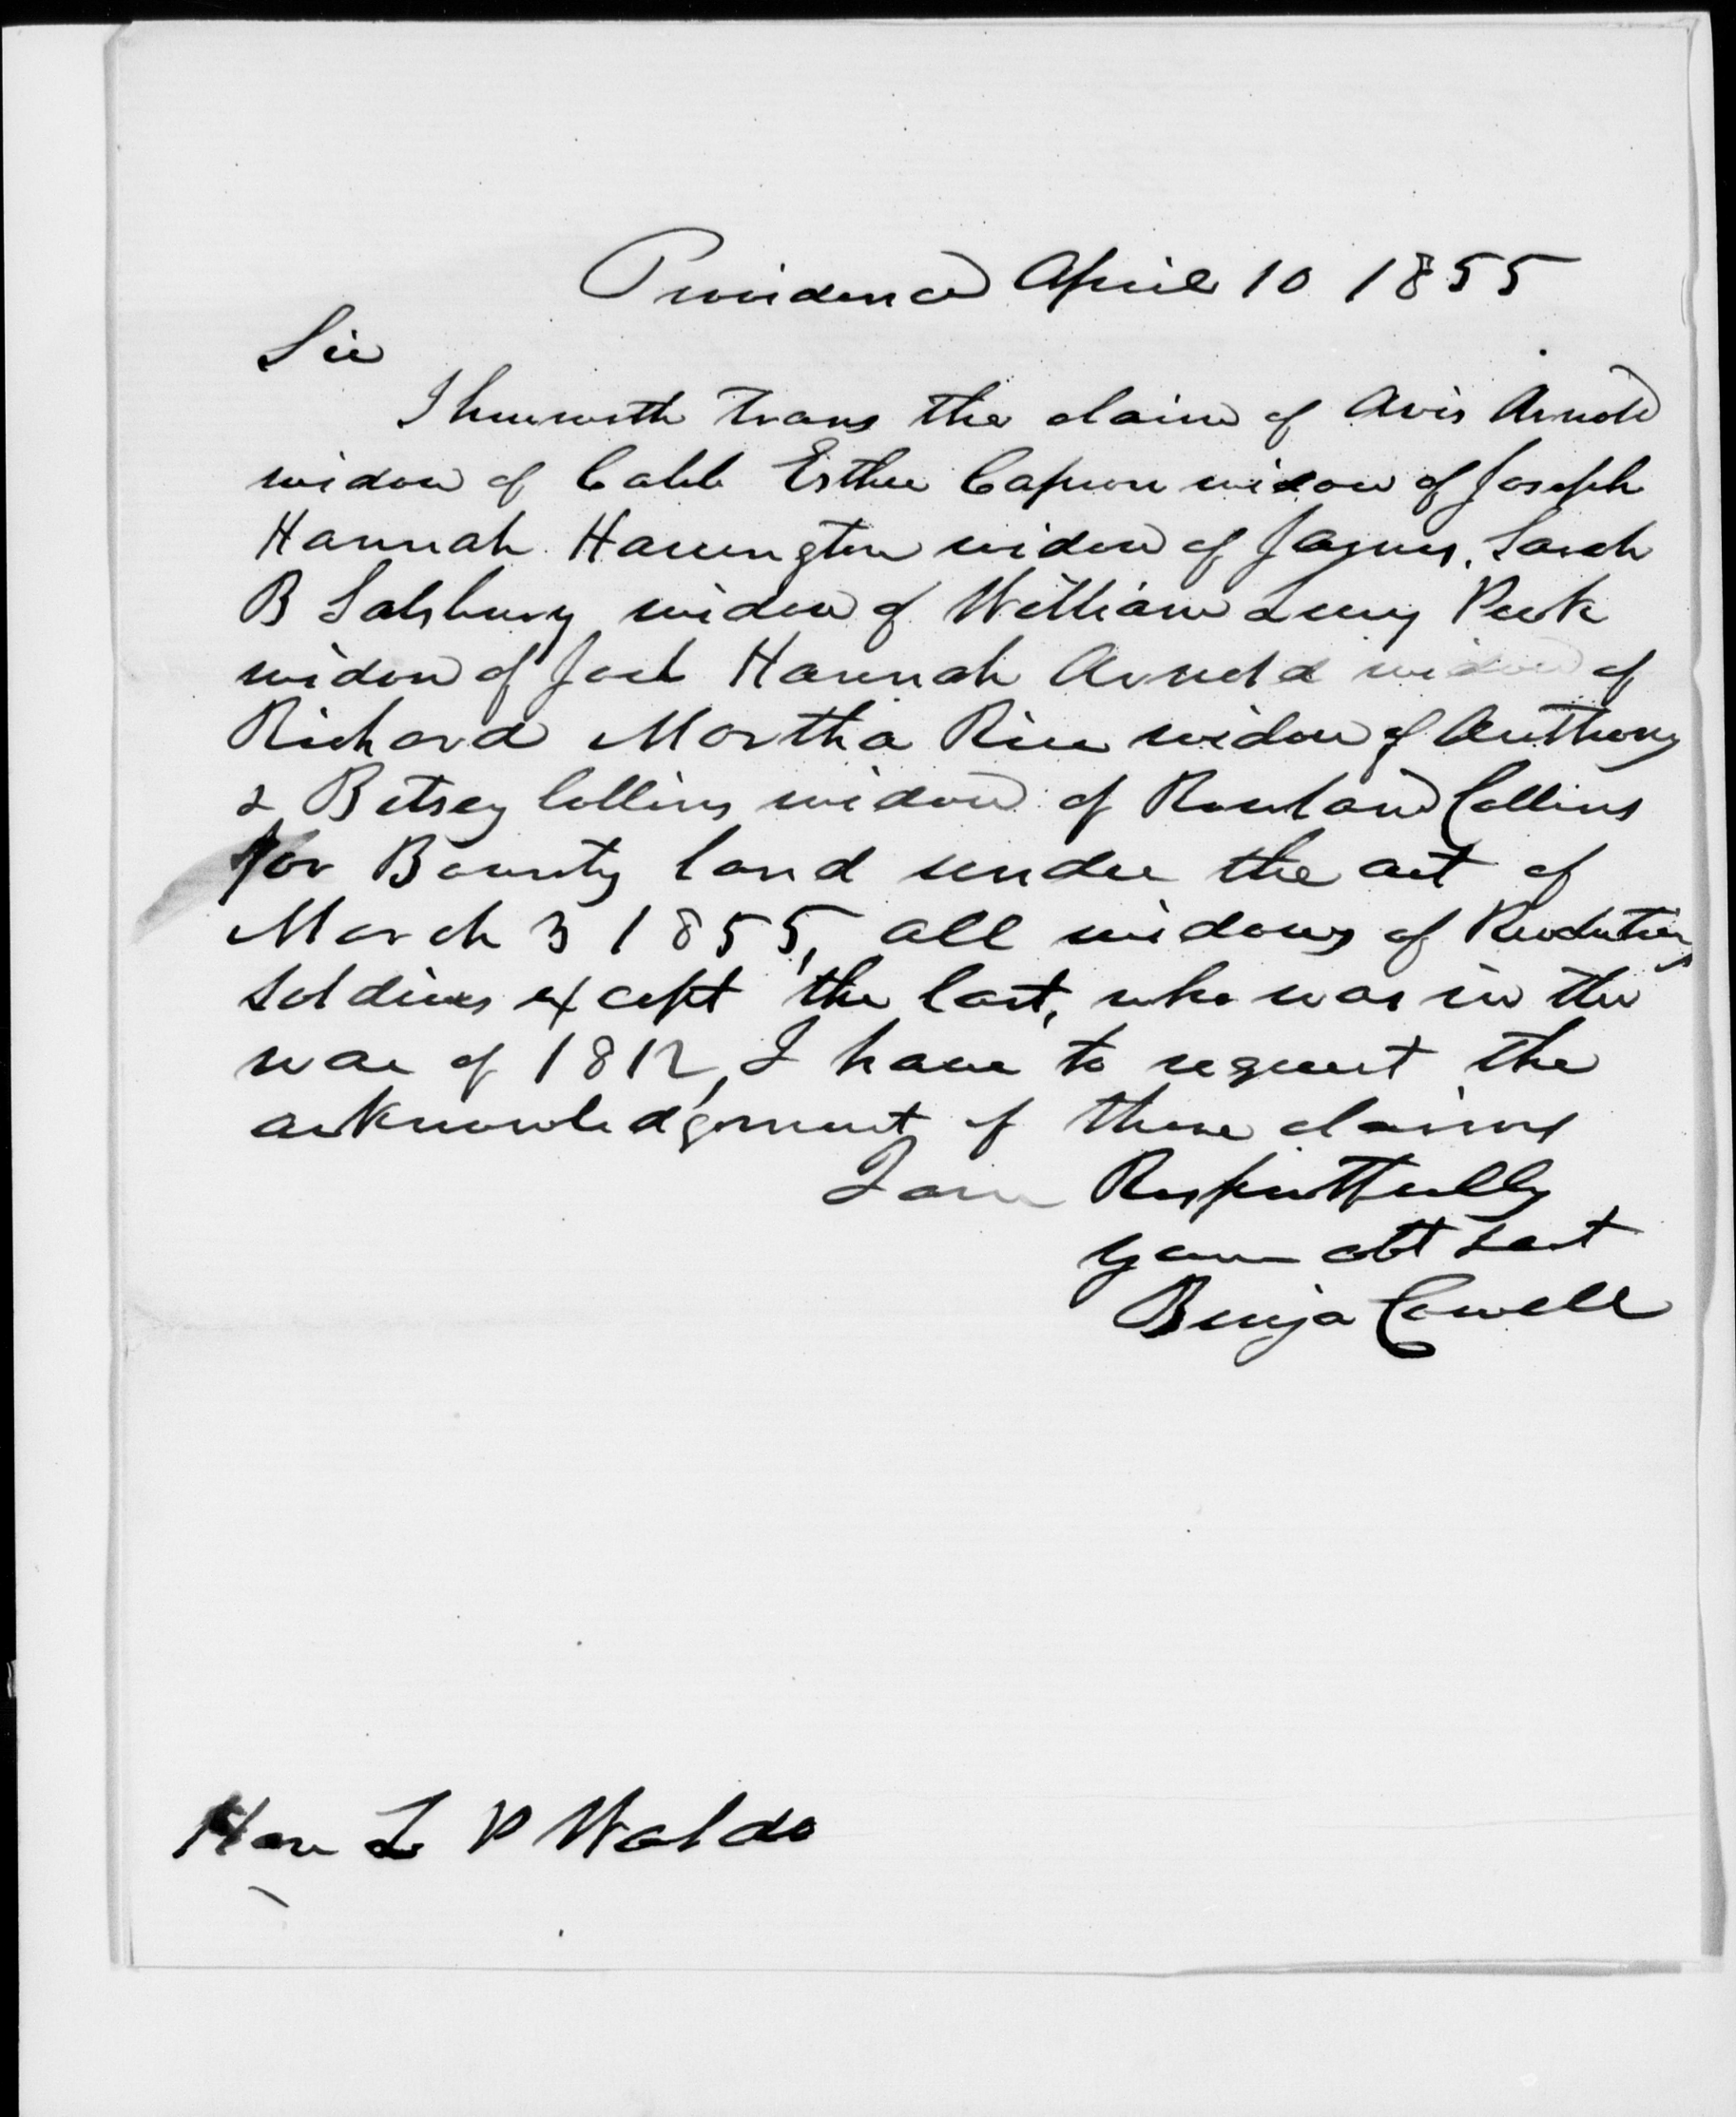Providence April 10 1855
Sir
I herewith trans the claim of Avis Arnold widow of Caleb  Esther Capion widow of Joseph Sarah B Salsbury widow of Nathan Lucy Peck widow of Jack Hannah Arnold widow of Richard Martha Rice widow of Anthony & Betsy Collins widow of Richard Collins for Bounty land under the Act of March 3 1855, all widows of Revolutionary soldiers except the last, who was in the war of 1812, I have to request the awkward amount of these claims

I am Respectfully
your obt ____
Benja Cowell


Hon L P Waldo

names: Rouland Collins, Lucy Peck, James, Caleb, Martha Rice, Esther Capion, Benja Cowell, Joel, Sarah B Salsbury, Avis Arnold, Hannah Arnold, William, Richard, Anthony, Hannah Harrington, Joseph, Betsey Collins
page: 25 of 29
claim: widow's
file: W. 2582, Caleb Arnold, R.I.